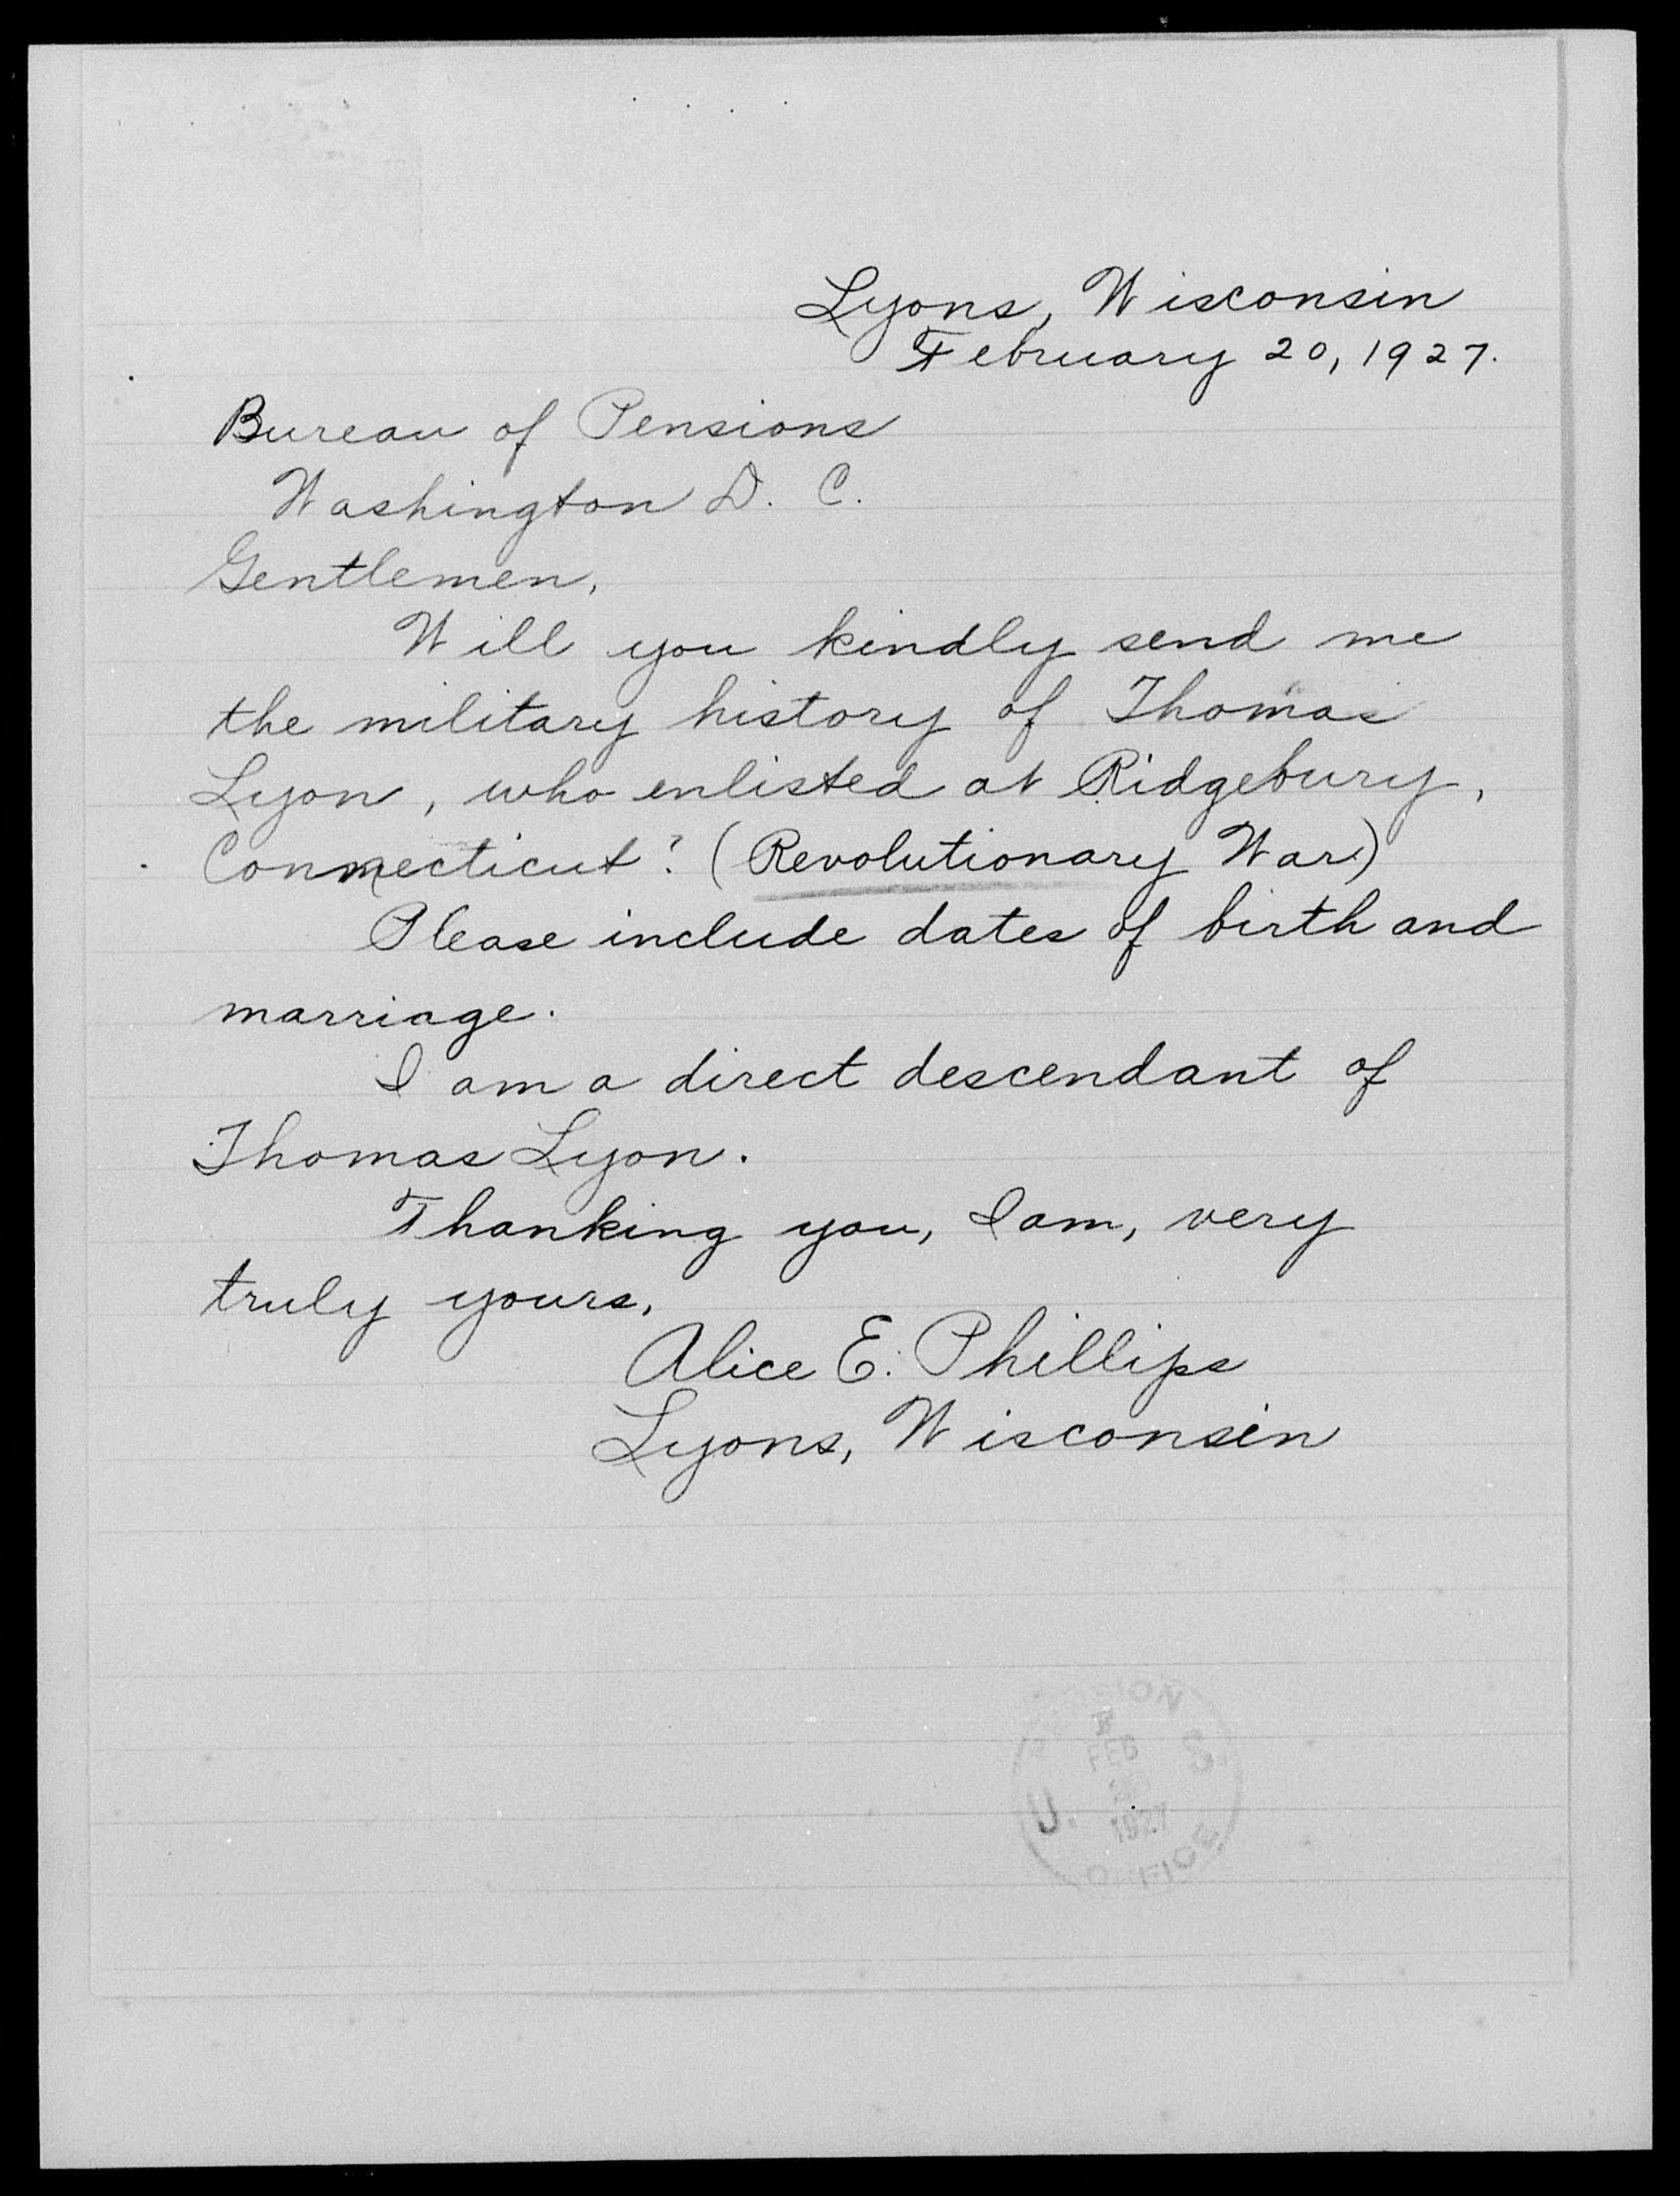Lyons, Wisconsin
February 20, 1927

Bureau of Pensions
Washington D.C
Gentlemen,
Will you kindly send me the military history of Thomas Lyon, who enlisted at Ridgebury,
Connecticut? (Revolutionary War)
Please include dates of birth and Marriage.
I am a direct descendant of
Thomas Lyon.
Thanking you, I am, very truly yours,
Alice E. Phillips
Lyons, Wisconsin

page: 13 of 28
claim: survivor's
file: S. 21,872, for Thomas Lyon, New York